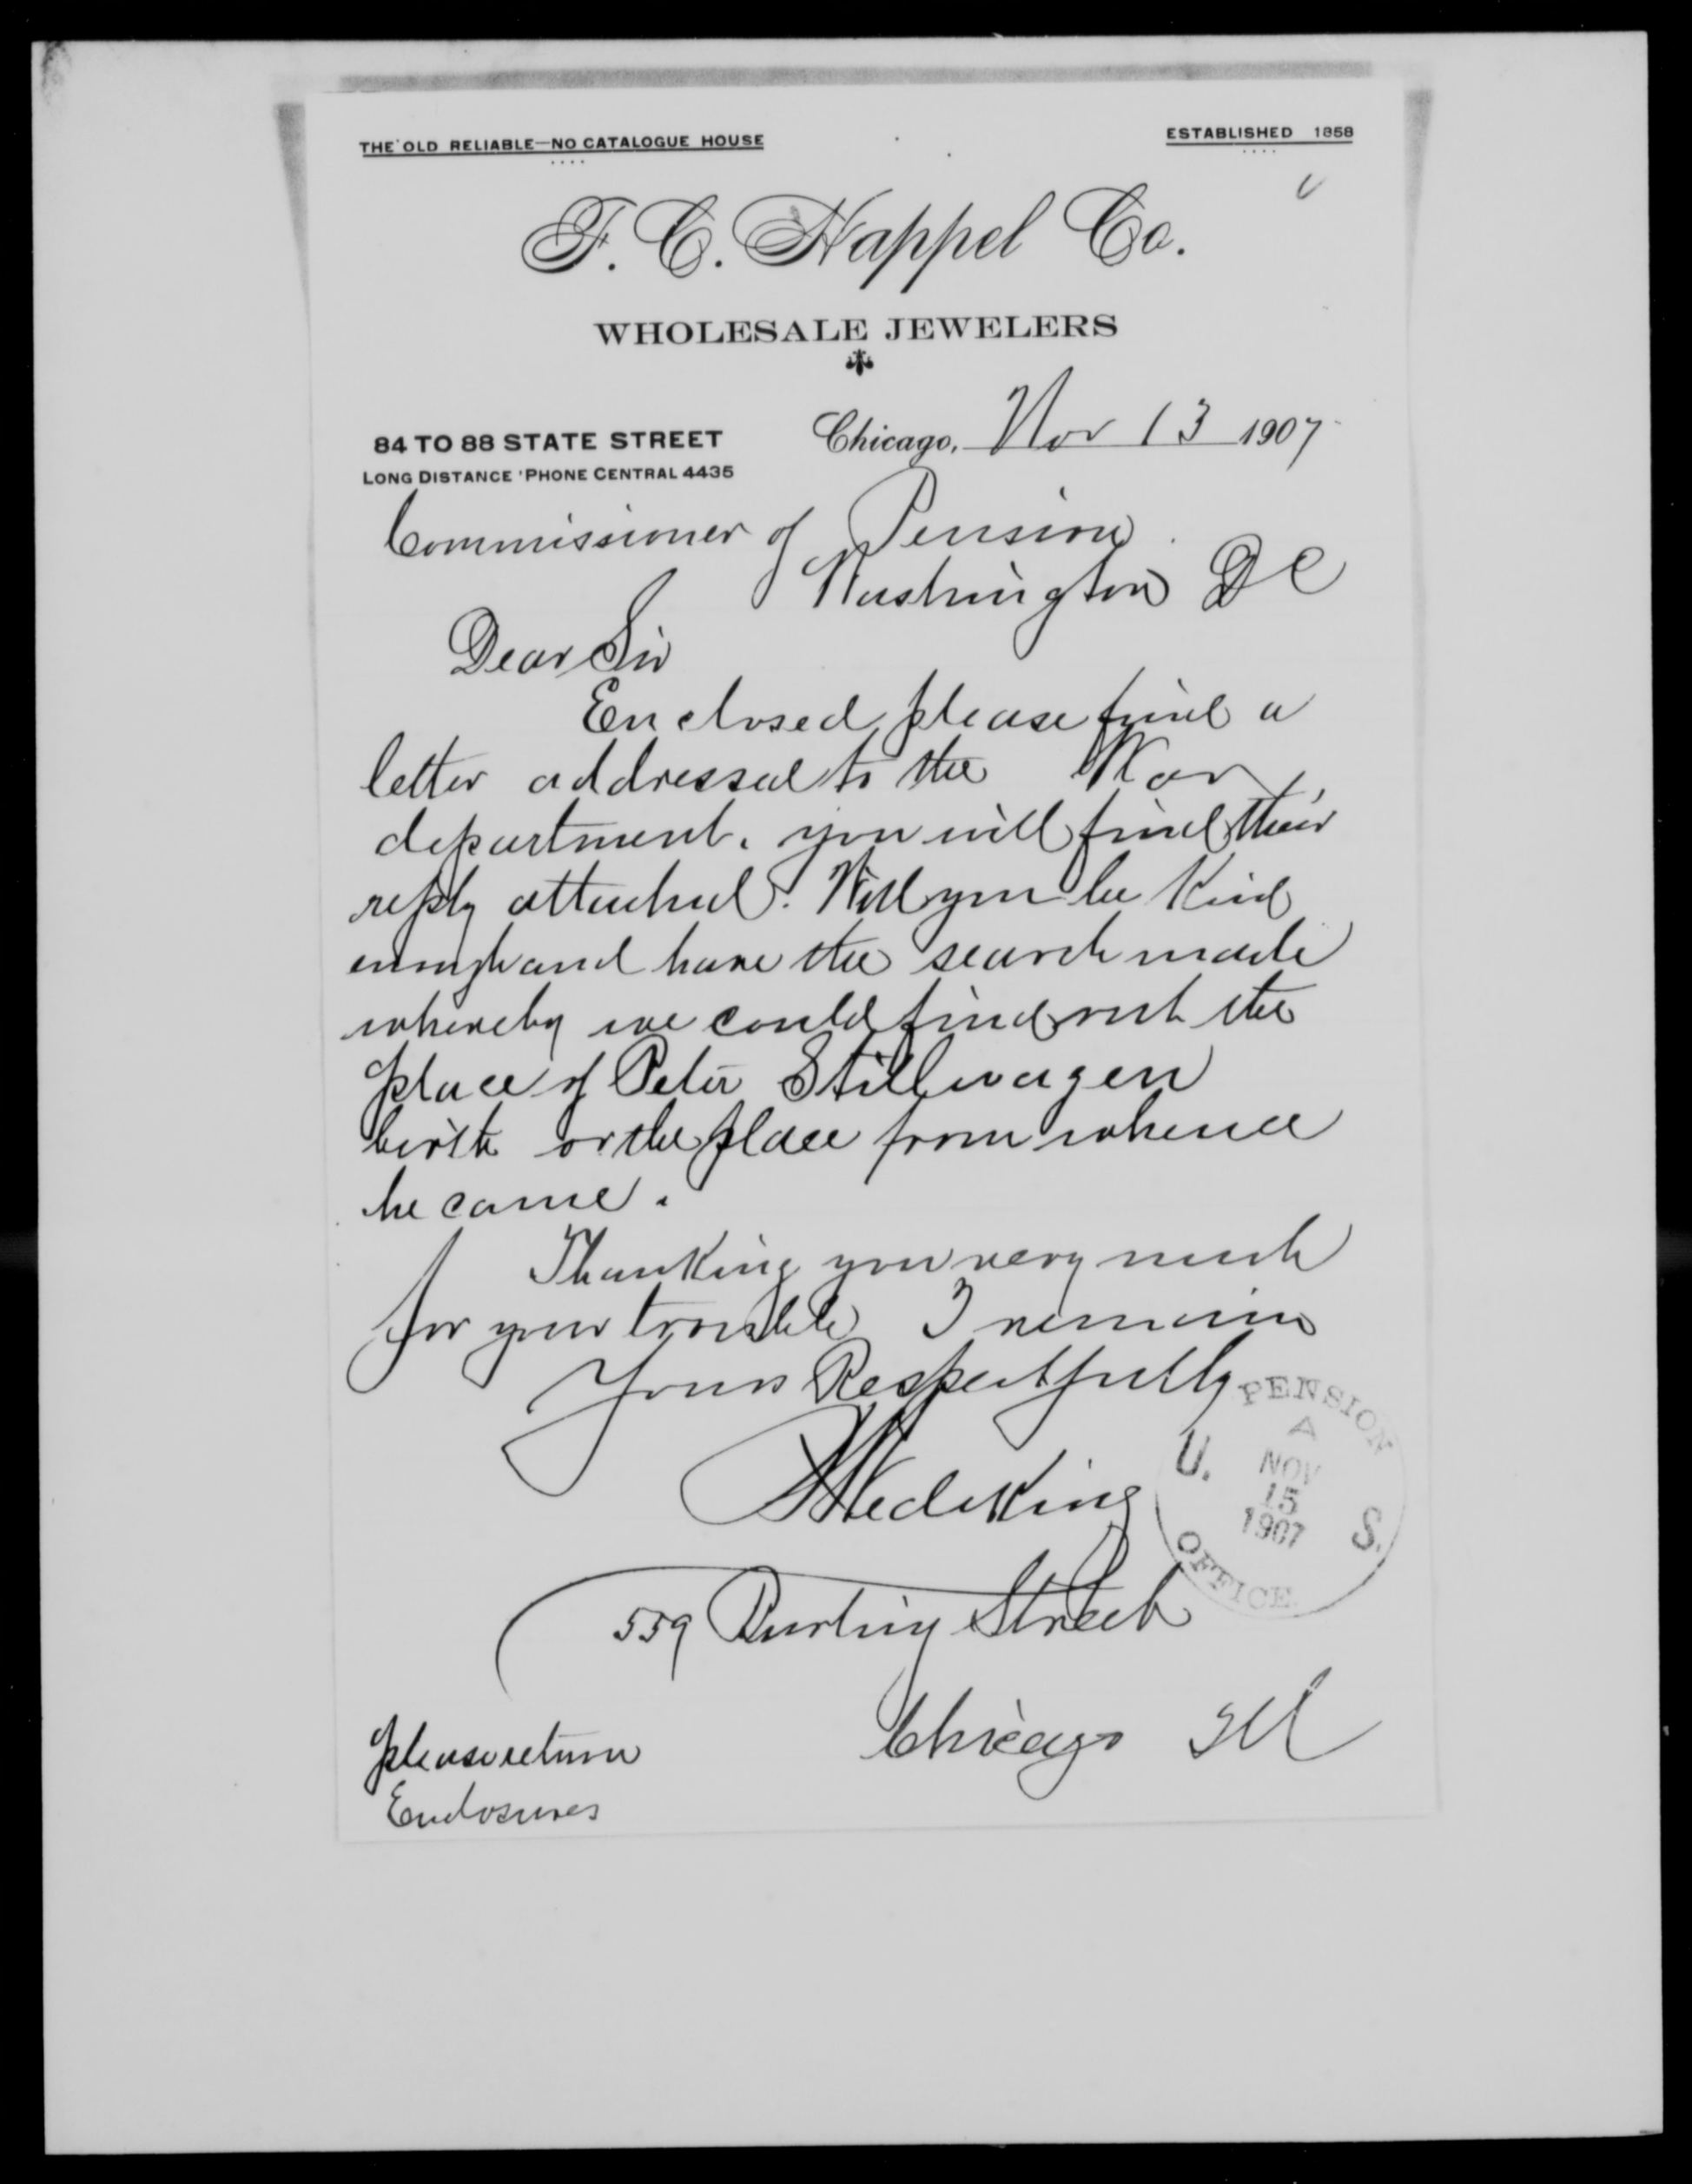[Letterhead]
The Old Reliable—No Catalogue House			Established  1858
F. C. Happel Co.
Wholesale Jewelers
84 to 88 State Street				Chicago, Nov. 13, 1907
Long Distance Phone Central 4435
[Letterhead]

Commissioner of Pensions
Washington D.C.
Dear Sir,
Enclosed please find a letter addressed to the War Department. You will find their reply attached. Will you be kind enough and have the search made whereby once could find out the place of Peter Stillwagen [sic] birth or the place from whence he came.
Thanking you very much for your trouble, I remain
Yours Respectfully
A. Wedeking
539 [illegible] Street
Chicago, Ill

Please return enclosures

[round stamp] U.S. Pension Office Nov 15, 1907 [round stamp]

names: Peter Stillwagen; A Wedeking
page: 34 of 73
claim: widow's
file: W. 3197, for Peter Stillwagon, New Jersey